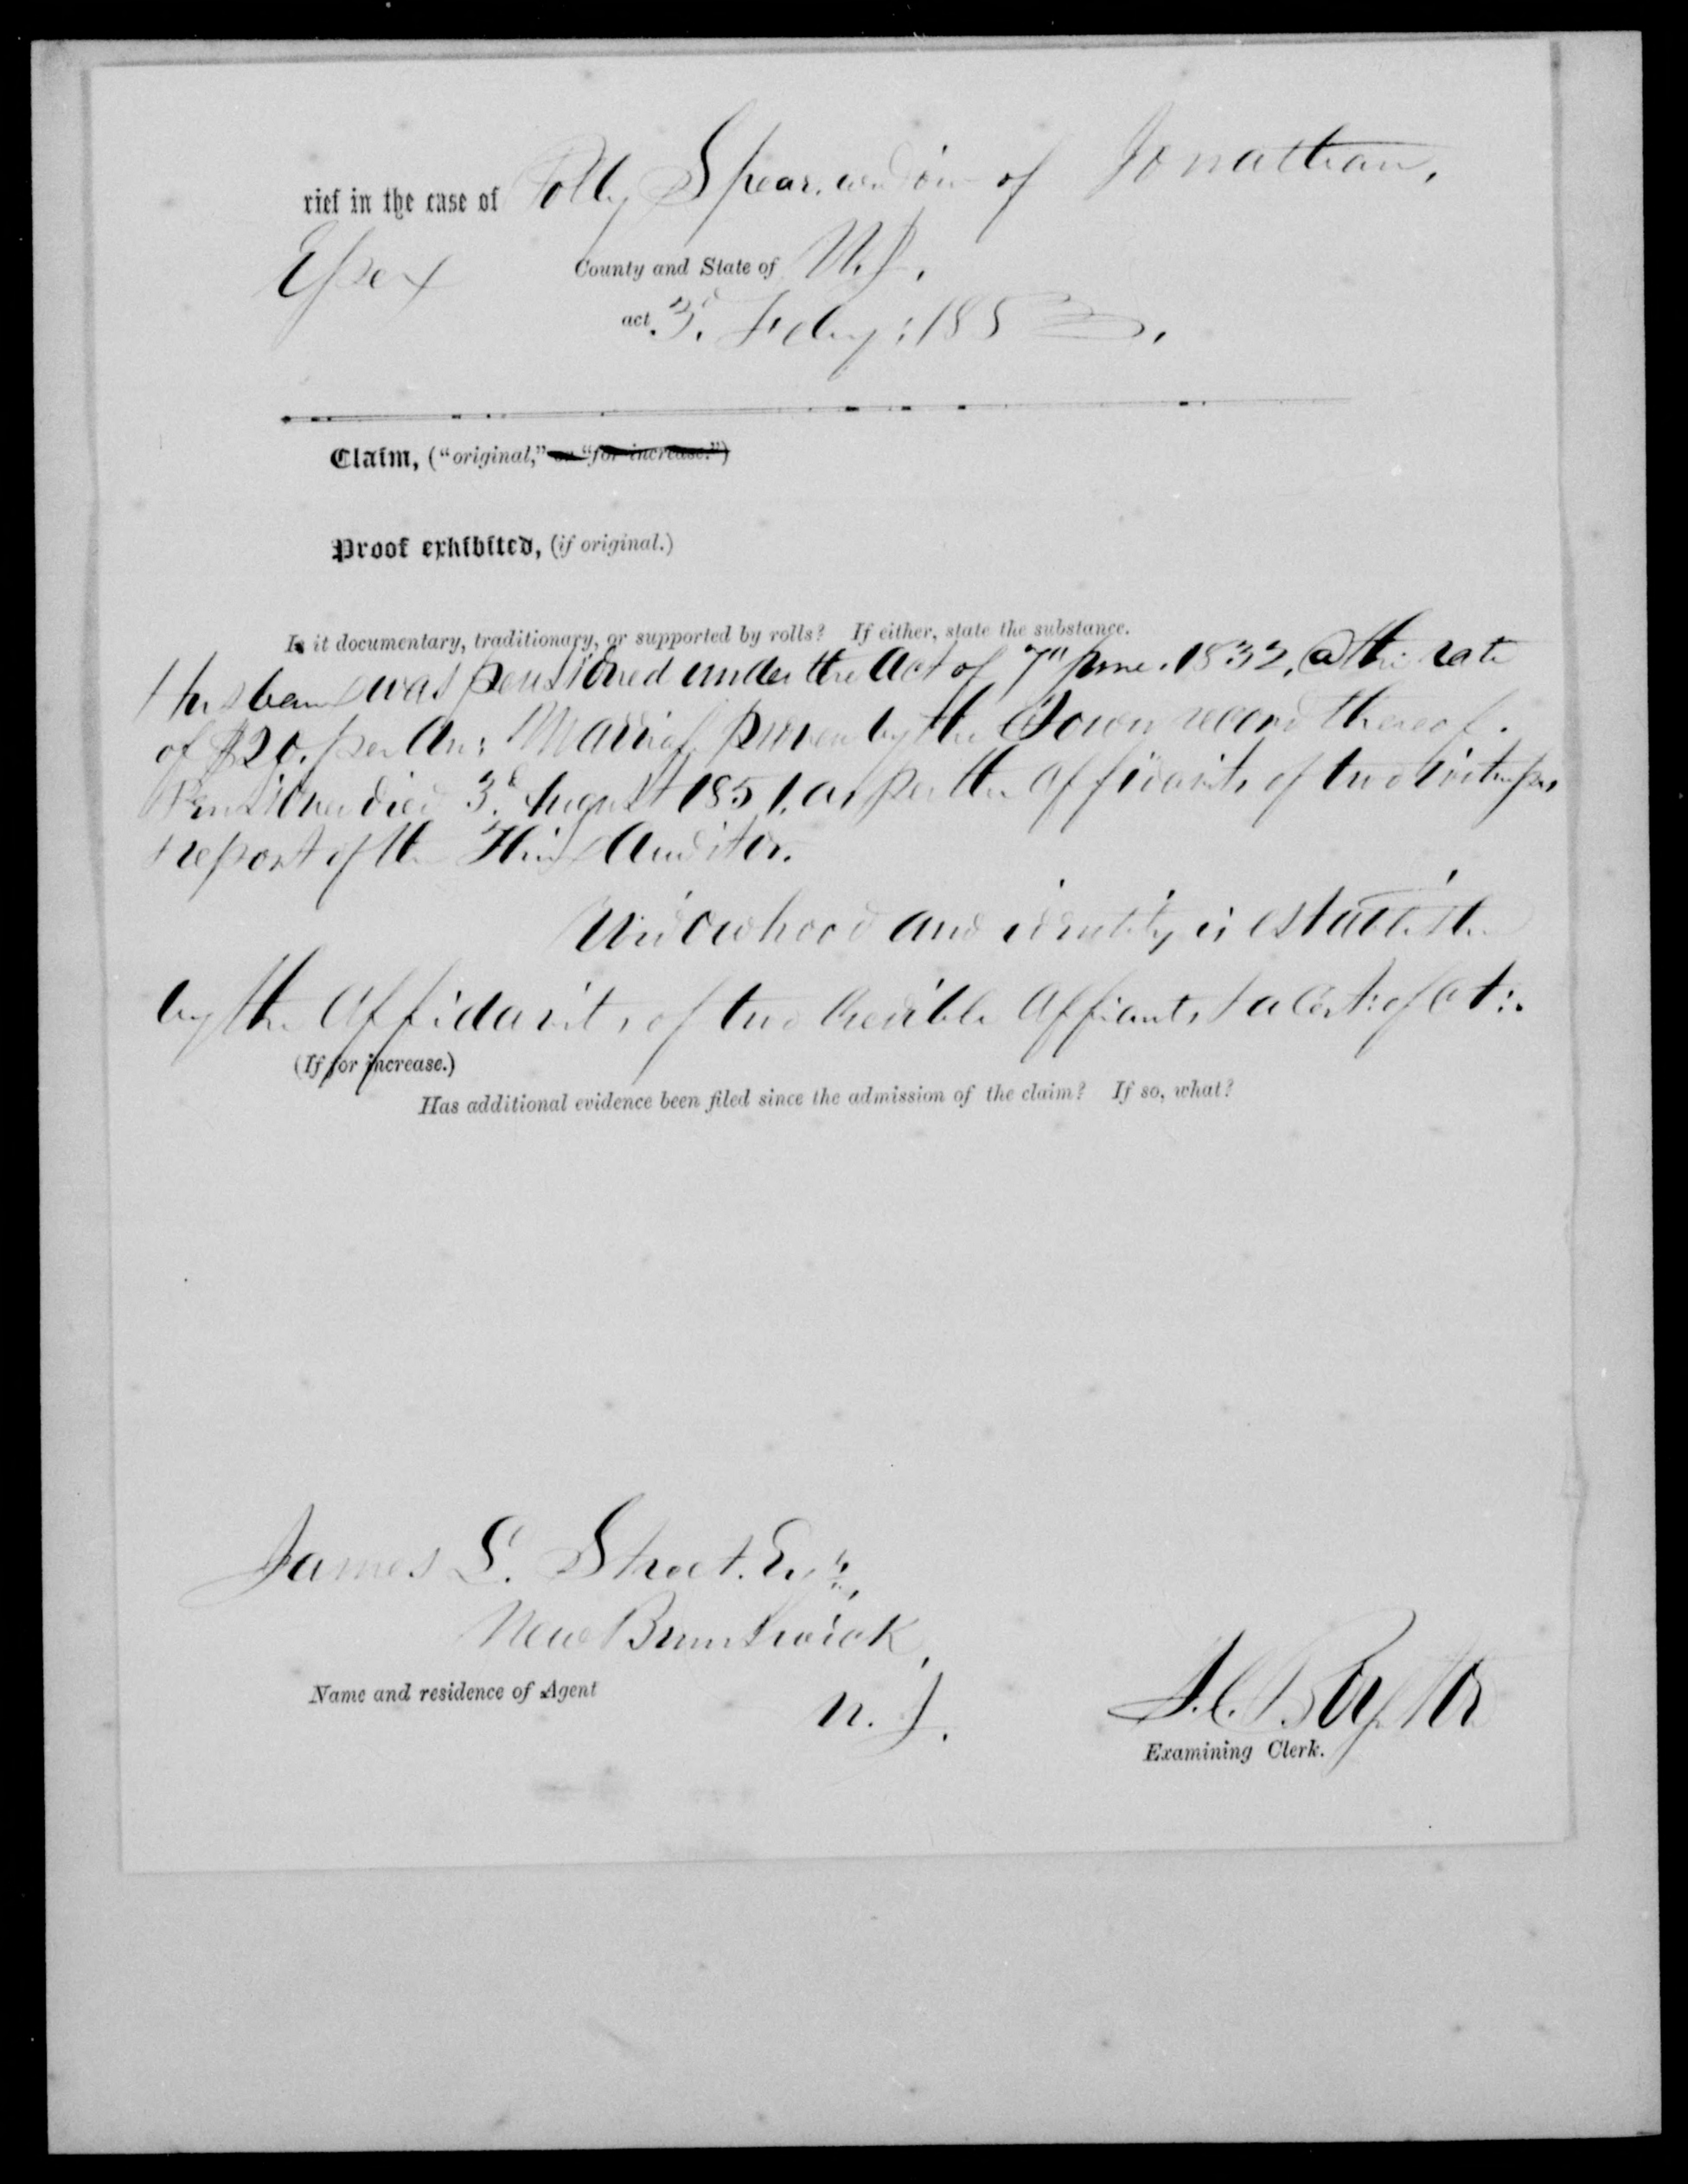rief in the case of Polly Spear widow of Jonathan
Essex County and State of NJ
act 3 Feby 1853
Claim, "original or for increase
Proof exhibited, (if original.)
Is it documentary or supported by rolls? if either, state the substance.
Husband was pensioned under the the Act of 7 June 1832, at the rate of $20. per an; Married [ ] by the Town record thereof. [ ] died 3d August 1851 per the affidavits of two witness
& report of the [ ] Auditor.
where and intily is establish
[ ] and of entity is established by the affidavits of two credible affiants a certificat.
(if for increase)
Has additions evidence been filed since the addmission of the claim? If so, what?

James S. Street Esqr
New Brunswick NJ
Name and residence of Agent
S C Boynton Examining Clerk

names: James L Street; Jonathan Spear; Polly Spear; S C Boynton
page: 39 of 65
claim: widow's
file: W. 7197, for Jonathan Spear, Vermont